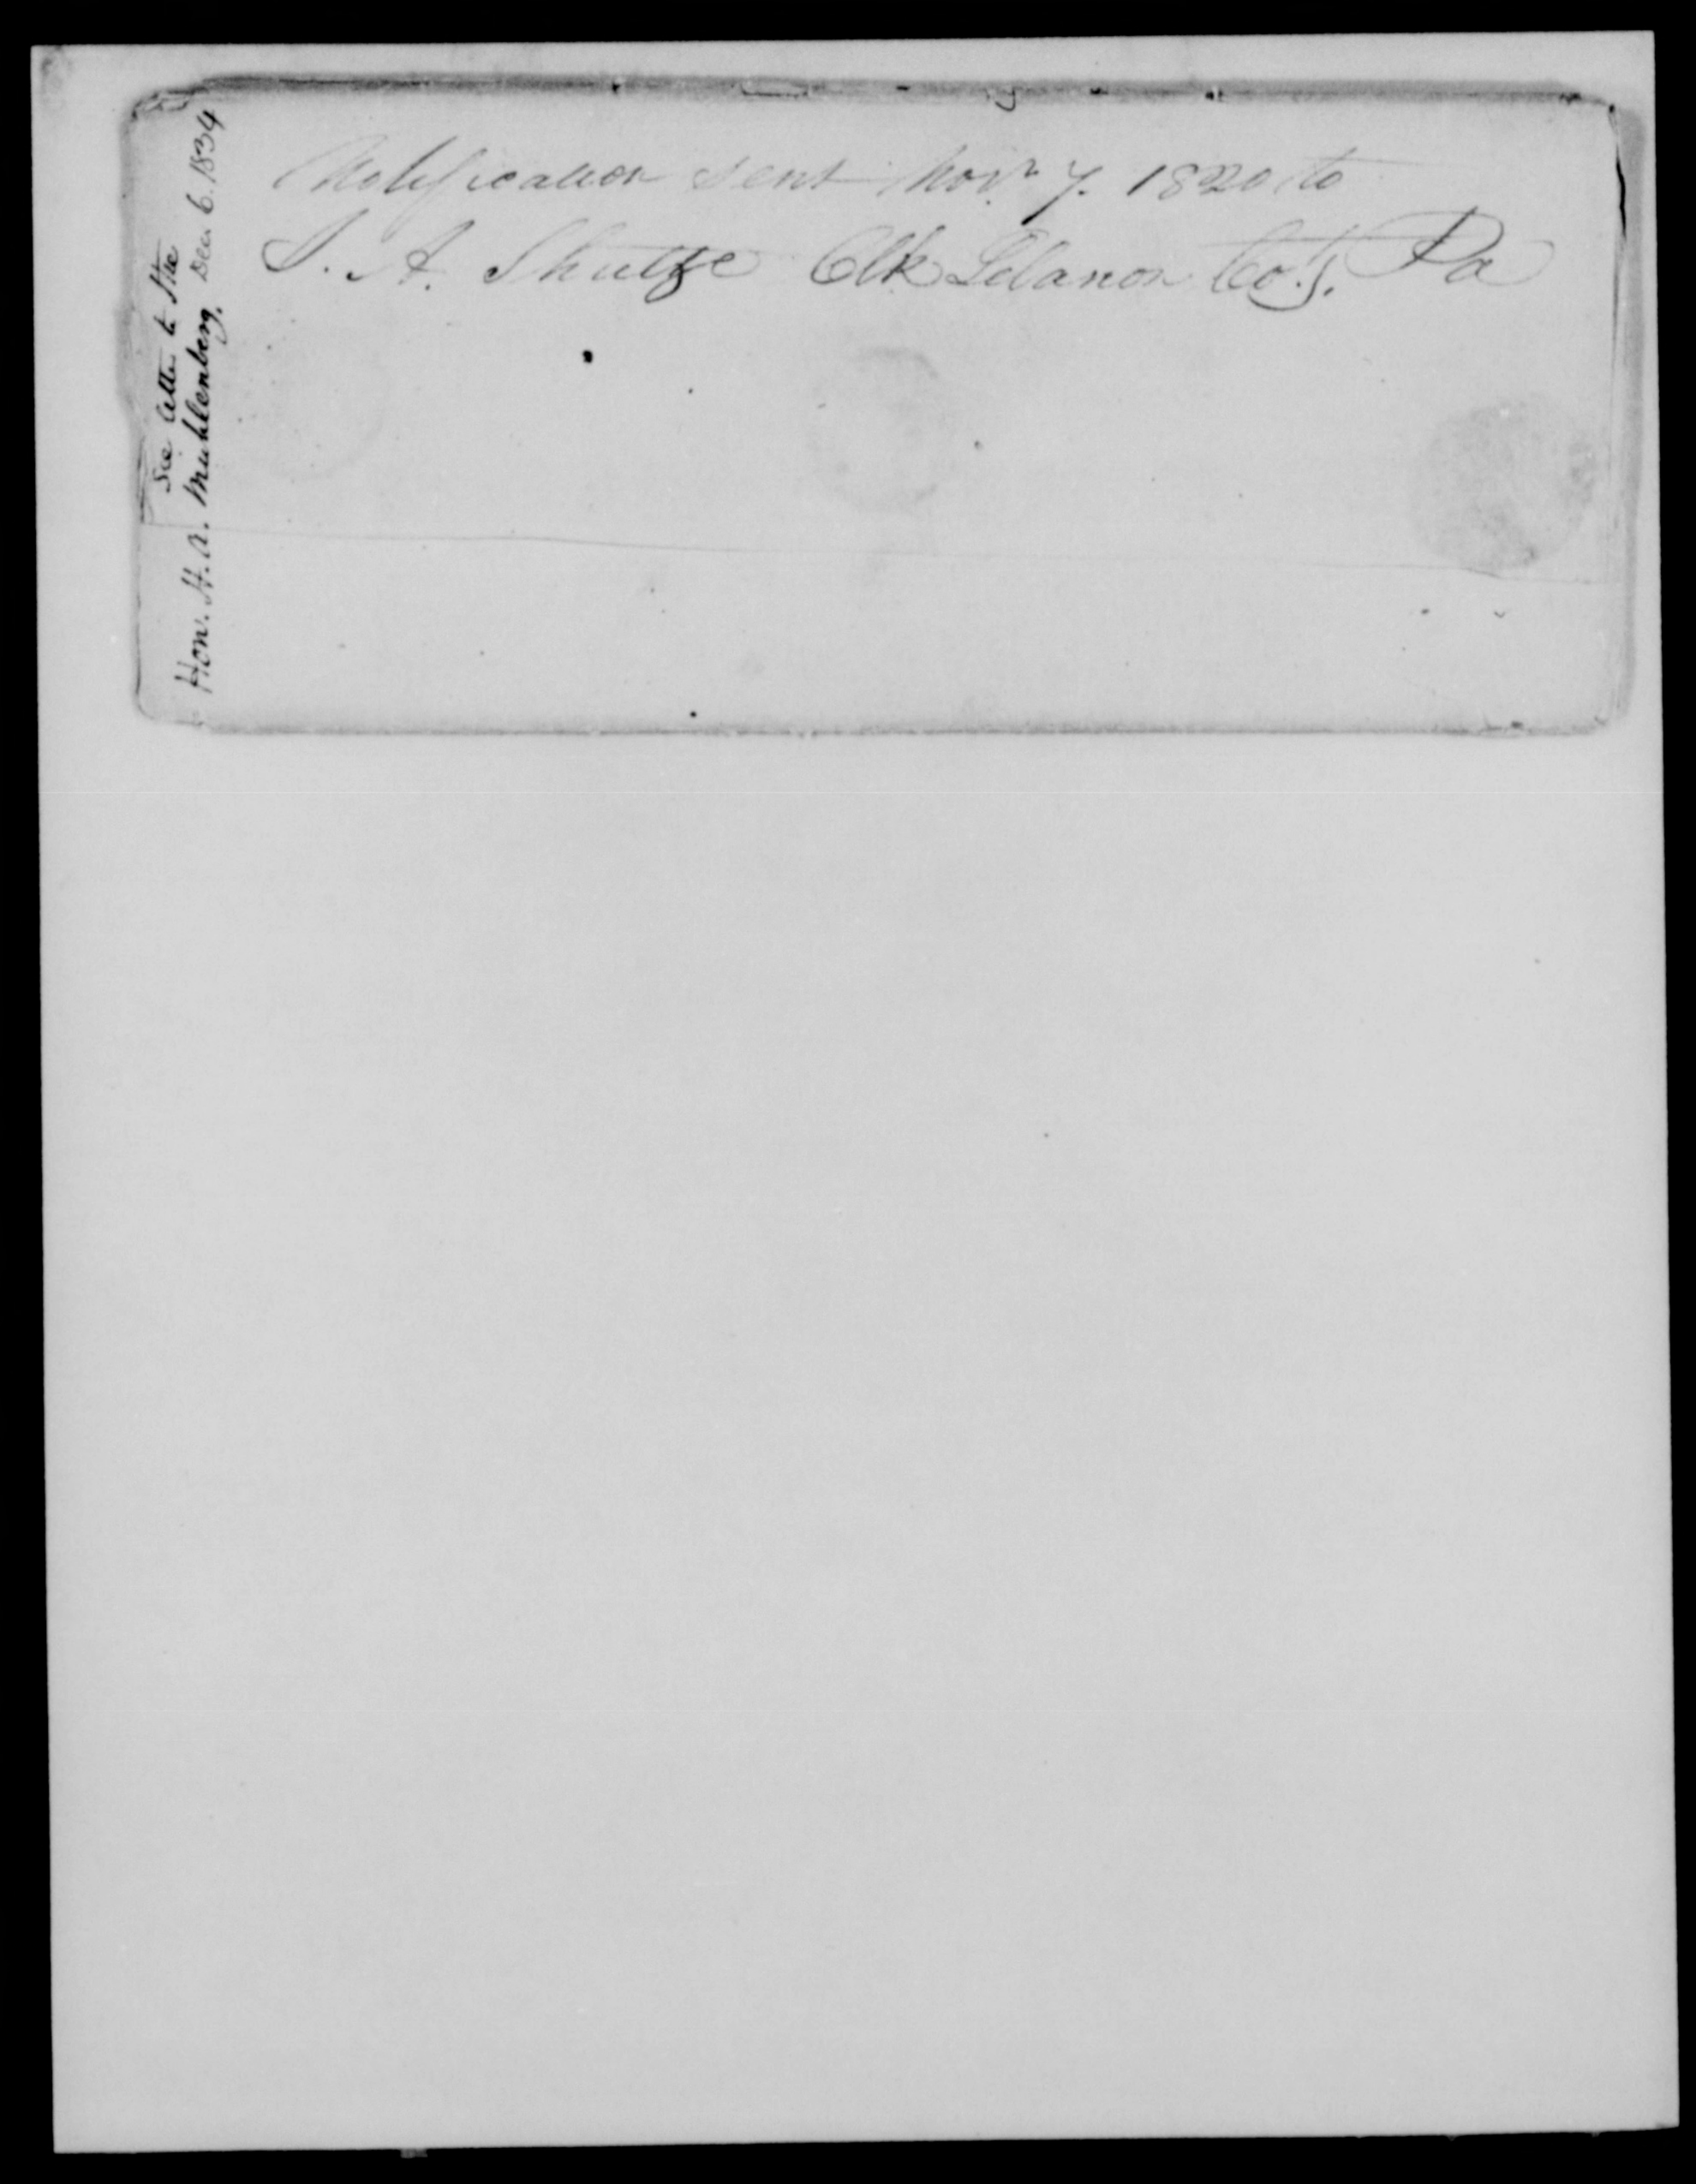Notification sent Nov. 1820 to J. A. Shultze, Clerk, Lebanon Co. Pa
See letter to the Hon. H. A. Muhlenberg, Dec 6, 1834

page: 3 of 28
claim: widow's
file: W. 3163, for David Statser, Pennsylvania